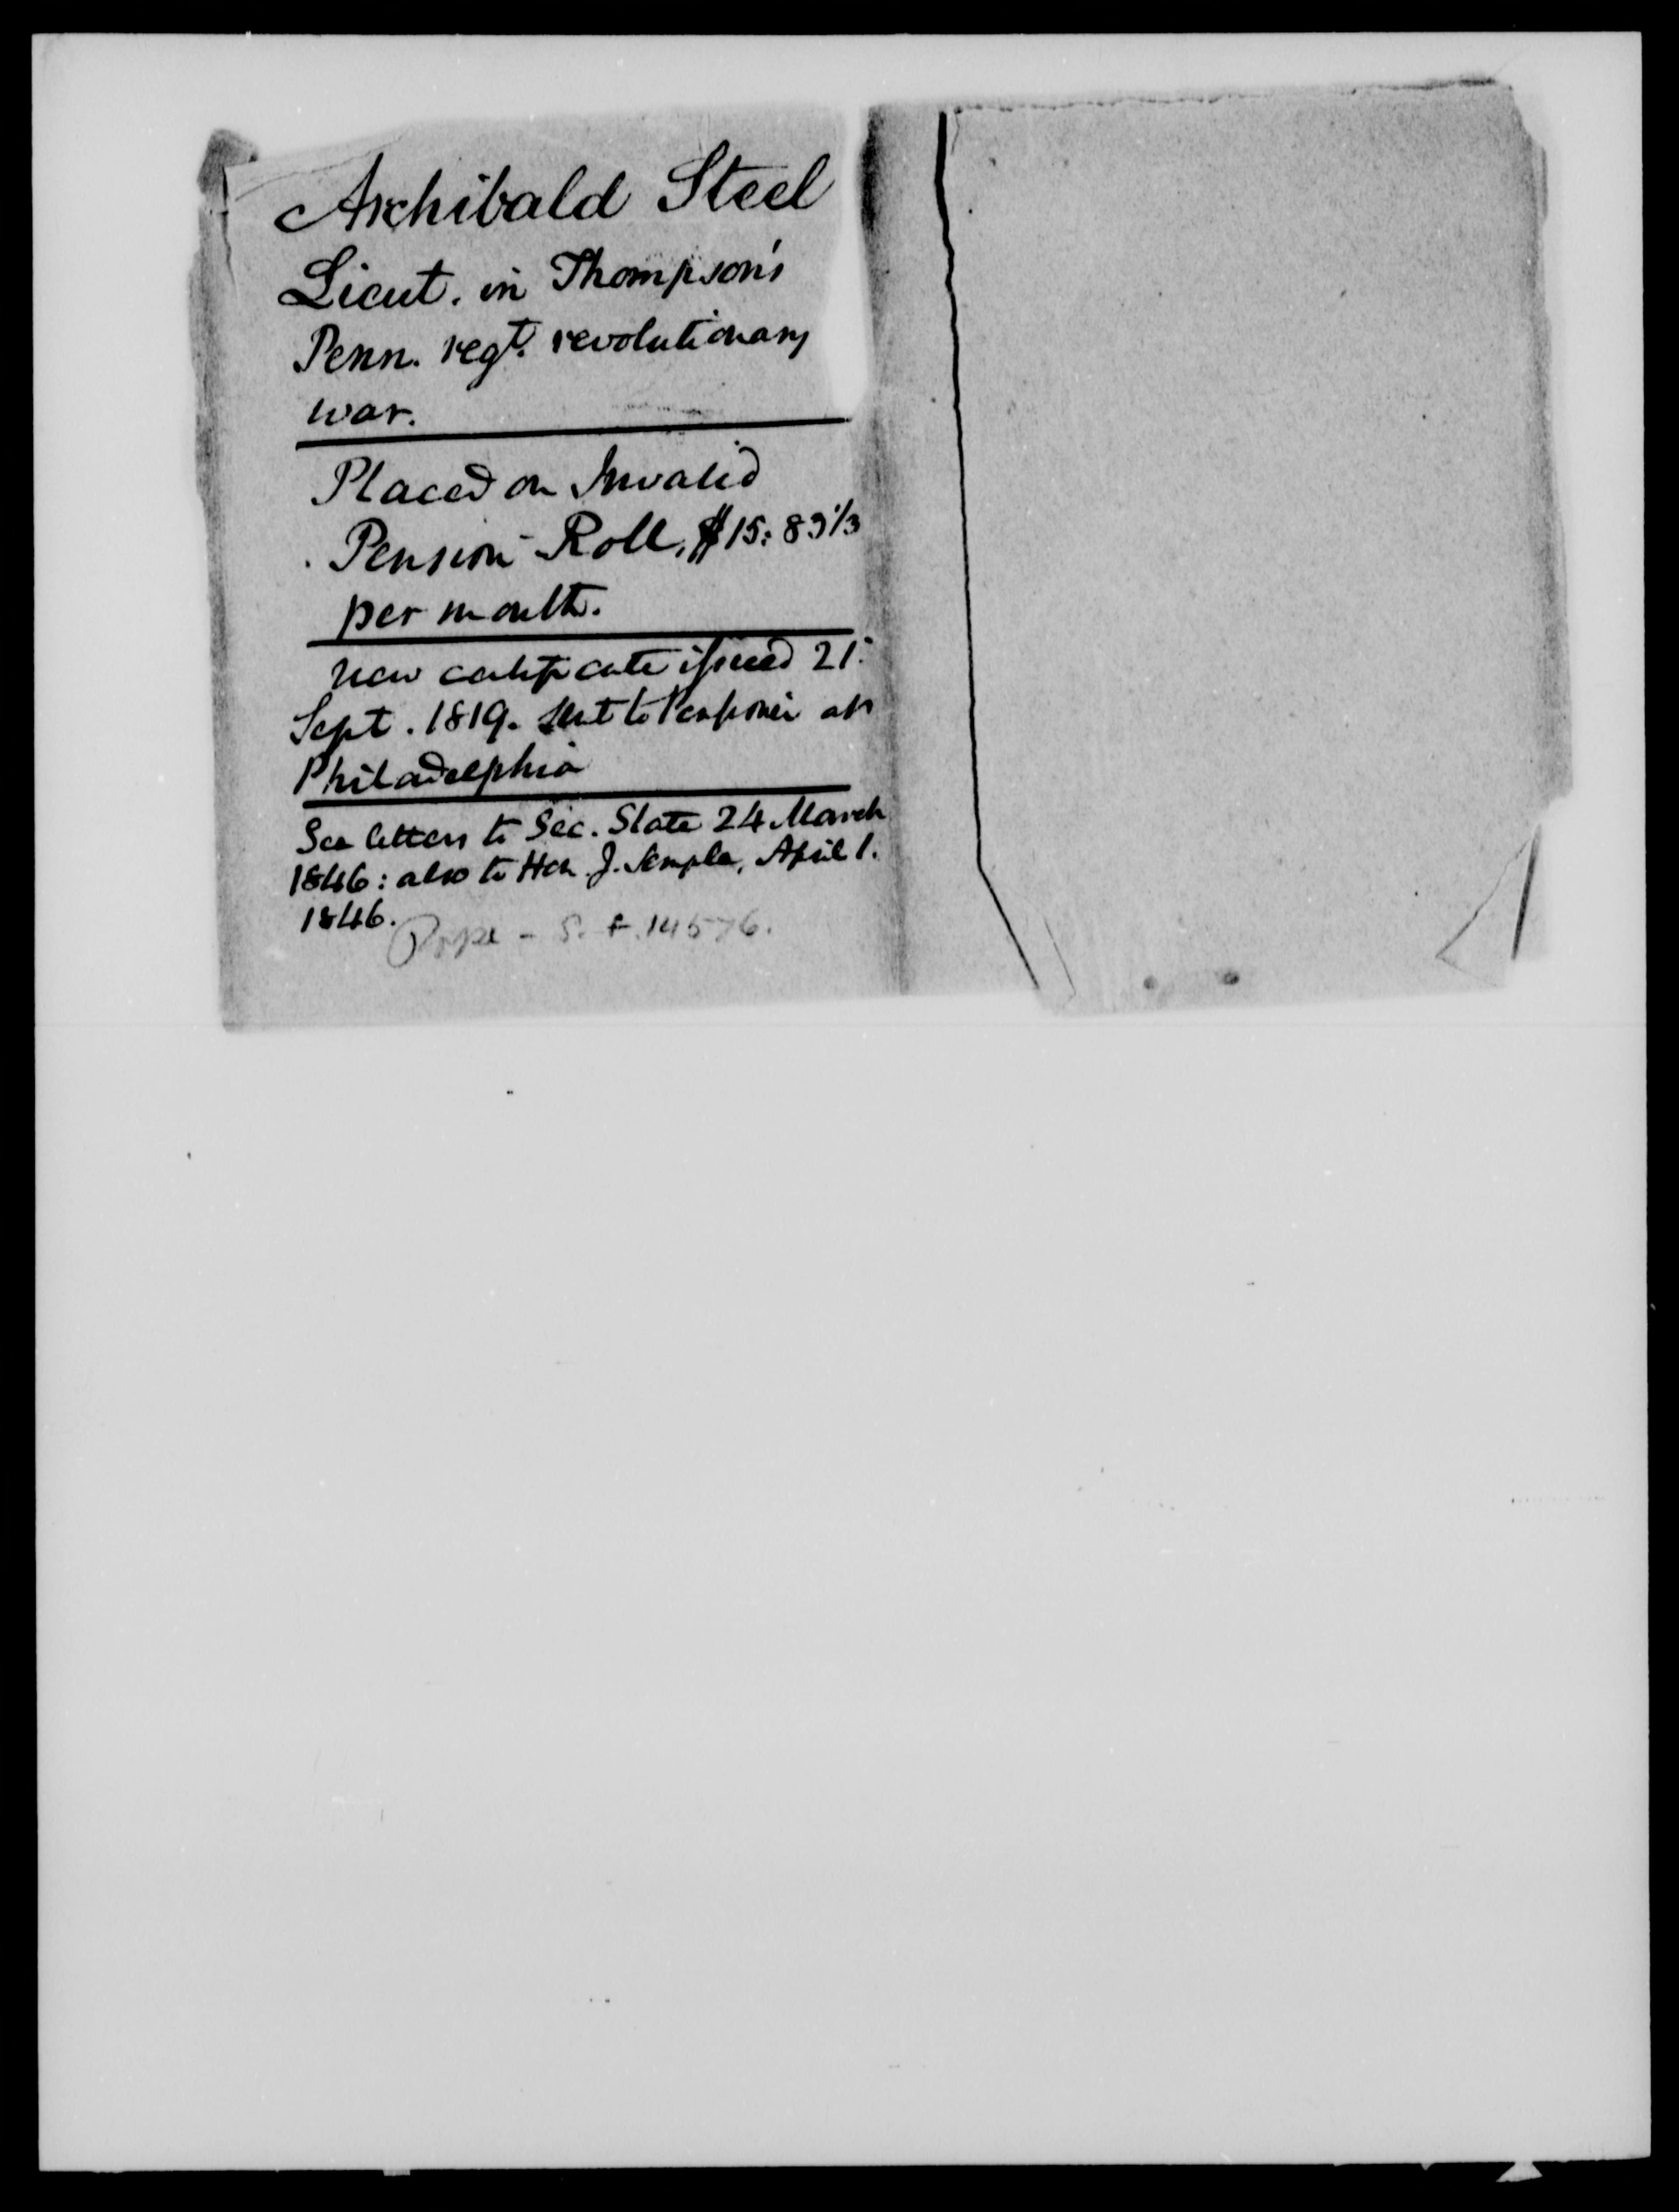Archibald Steel
Lieutenant in Thompson's Pennsylvania regiment, Revolutionary War

Placed on invalid pension roll - 15.83 1/3 per month

New certificate [illegible] 21 Sept 1819 send to Pensions and Philadelphia

See letter to Sec State, 24 March 1846
Also to Hon J Temple, April 1, 1846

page: 24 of 28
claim: survivor's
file: S. 7601, for Archibald Steel, Pennsylvania